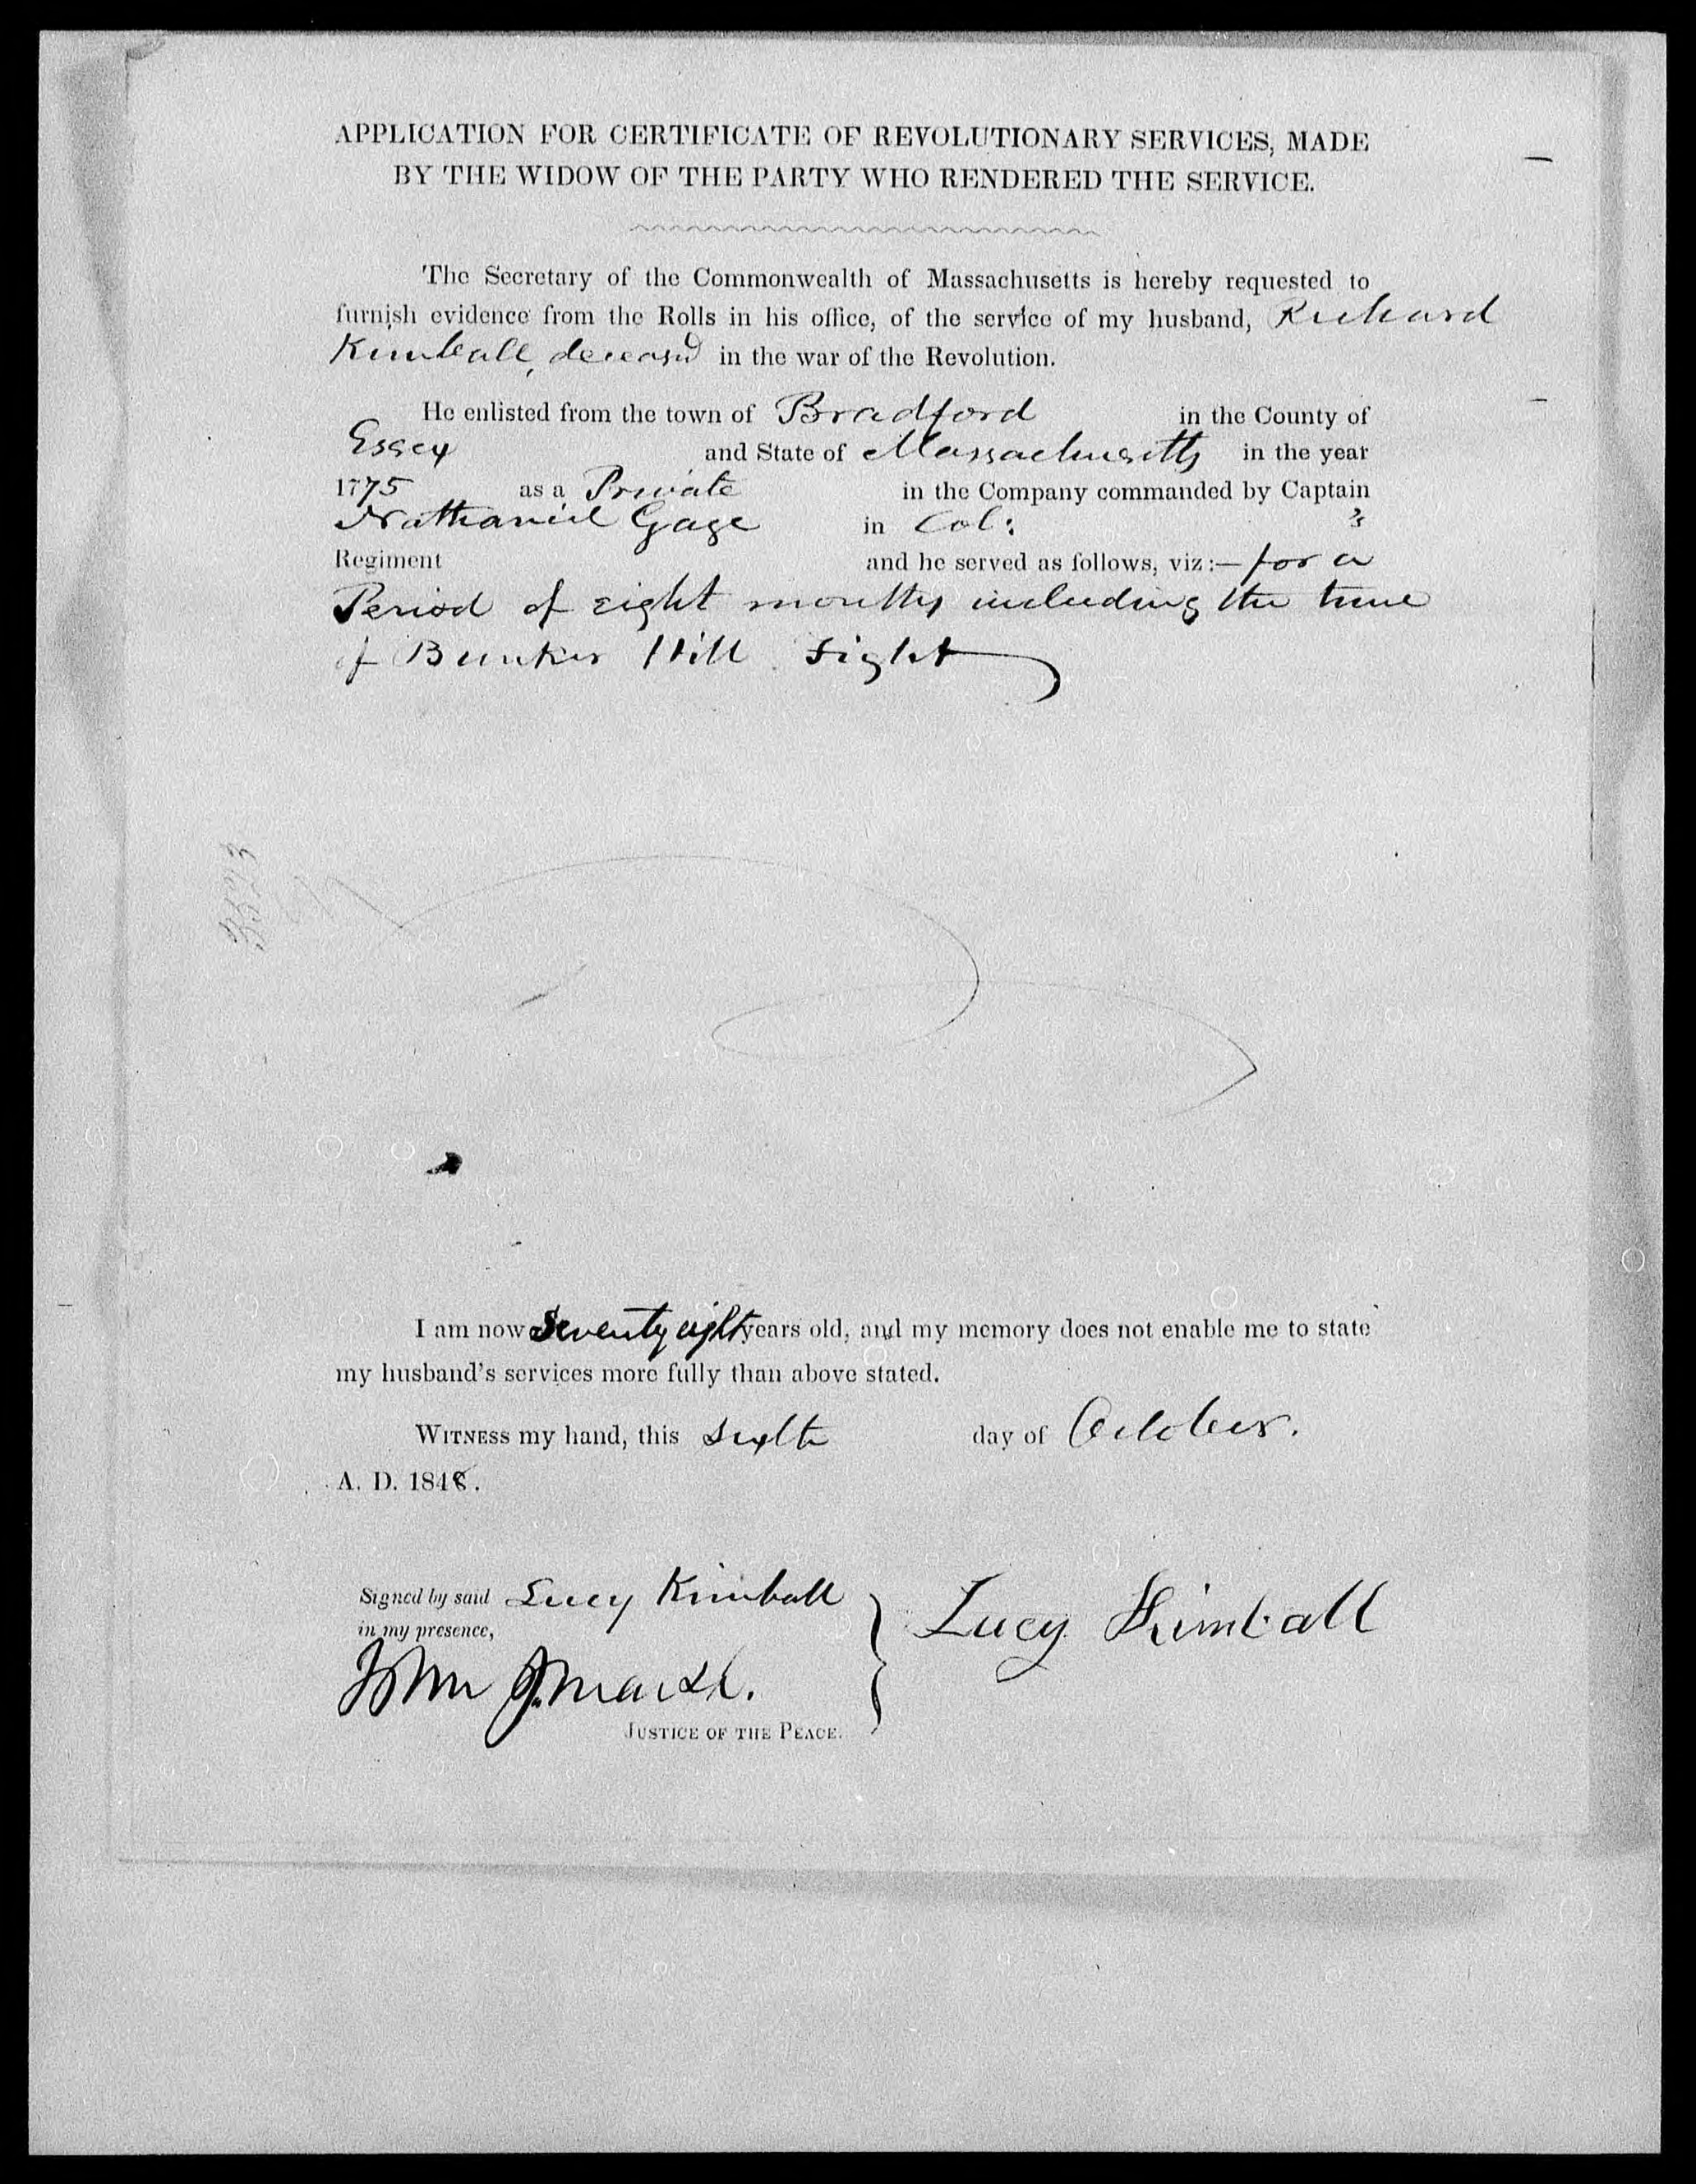APPLICATION FOR CERTIFICATE OF REVOLUTIONARY SERVICES, MADE
       BY THE WIDOW OF THE PARTY WHO RENDERED THE SERVICE.
                                      ^^^^^^^^^^^^^^^^^^^^^^^^^^

     The Secretary of the Commonwealth of Massachusetts is hereby requested to
furnish evidence from the Rolls in his office, of the service of my husband, Richard
Kimball, deceased in the war of the Revolution.

     He enlisted from the town of Bradford in the County of
Essex                and State of       Massachusetts      in the year
1775 as a Private in the Company commanded by Captain
Nathaniel Gage in Col:
Regiment                                and he served as follows,  viz:-for a
Period of eight months including the time of Bunker Hill Fight






I am now  seventy eight years old, and my memory does not enable me to state
my husband's service more fully than above stated.

        Witness my hand, this     Sixth         day of      October
A.D. 1848.

Signed by said   Lucy Kimball
in my presence,                                 }  Lucy Kimball
John J Marsh
     JUSTICE OF THE PEACE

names: Nathaniel Gage; John J Marsh; Richard Kimball; Lucy Kimball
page: 11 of 29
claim: widow's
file: W. 1779, for Richard Kimball, Massachusetts